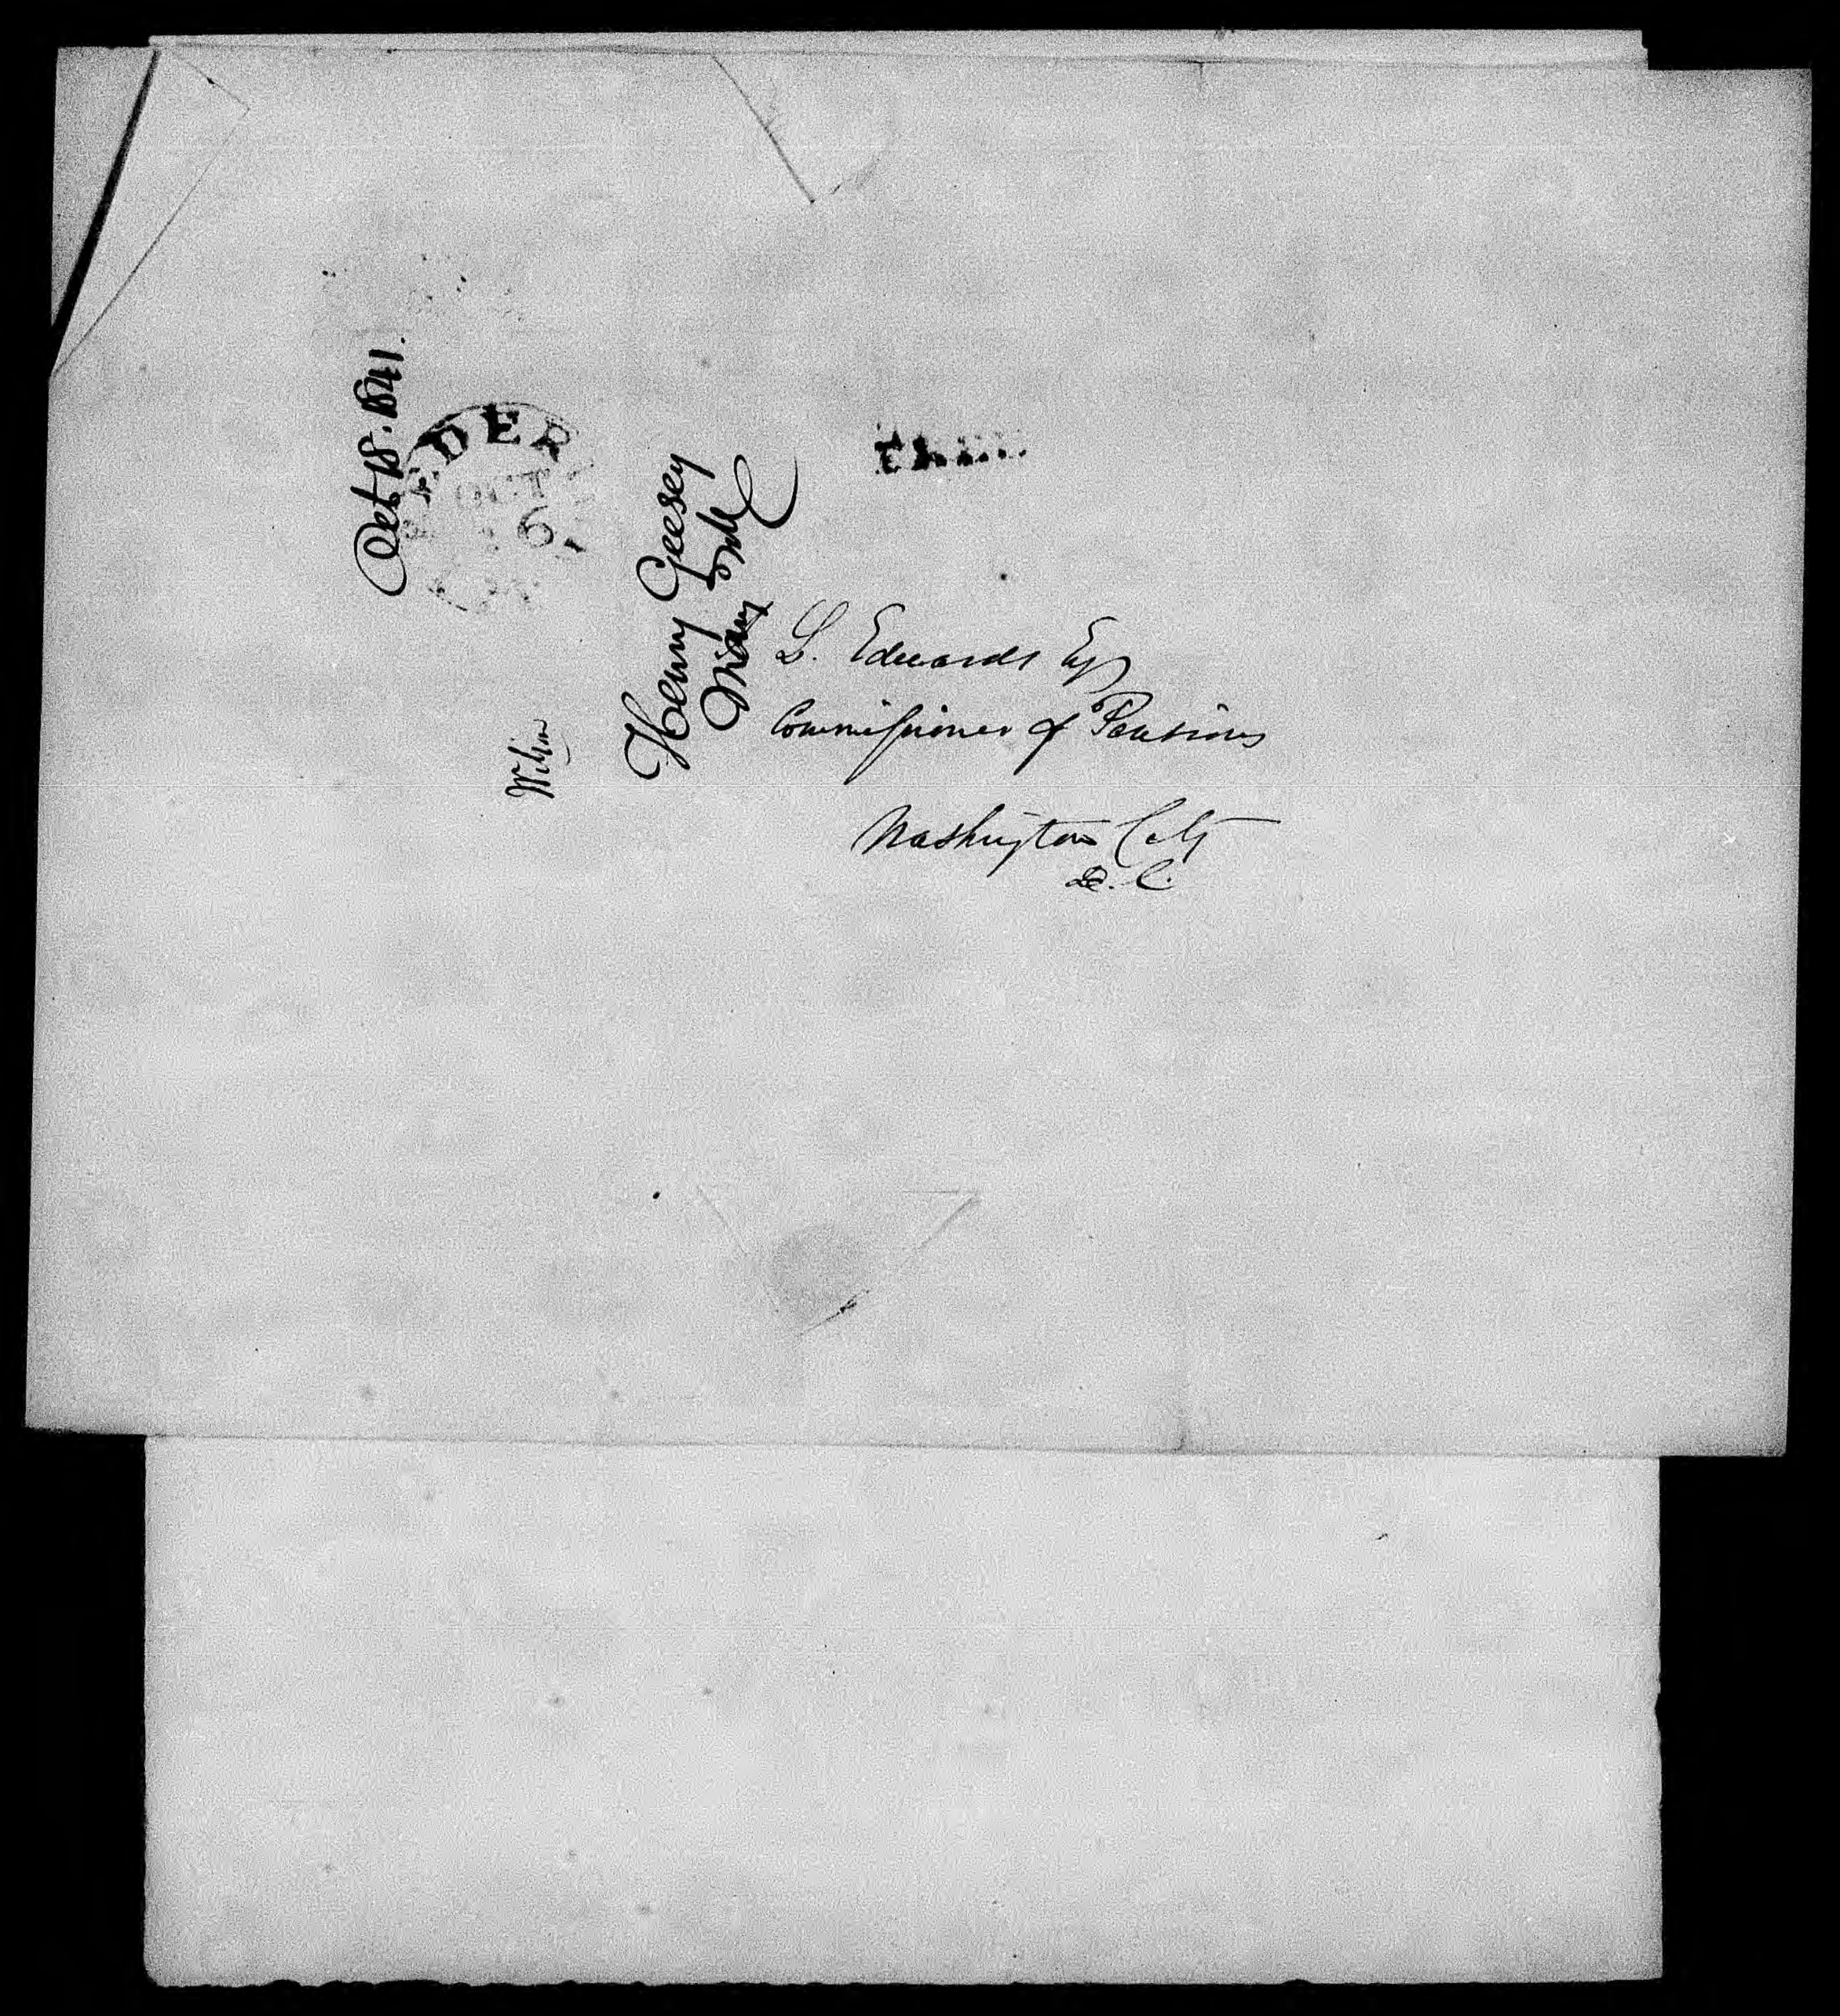Oct. 18. 1841
[Illegible circular mail stamp]
Wilson

Henry Geese
Maryland

FREE

J. L. Edwards Esq
Commissioner of Pensions
Washington City
D.C.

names: Henry Geesey, J L Edwards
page: 9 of 11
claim: survivor's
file: S. 8554, Henry Geasey, Md.